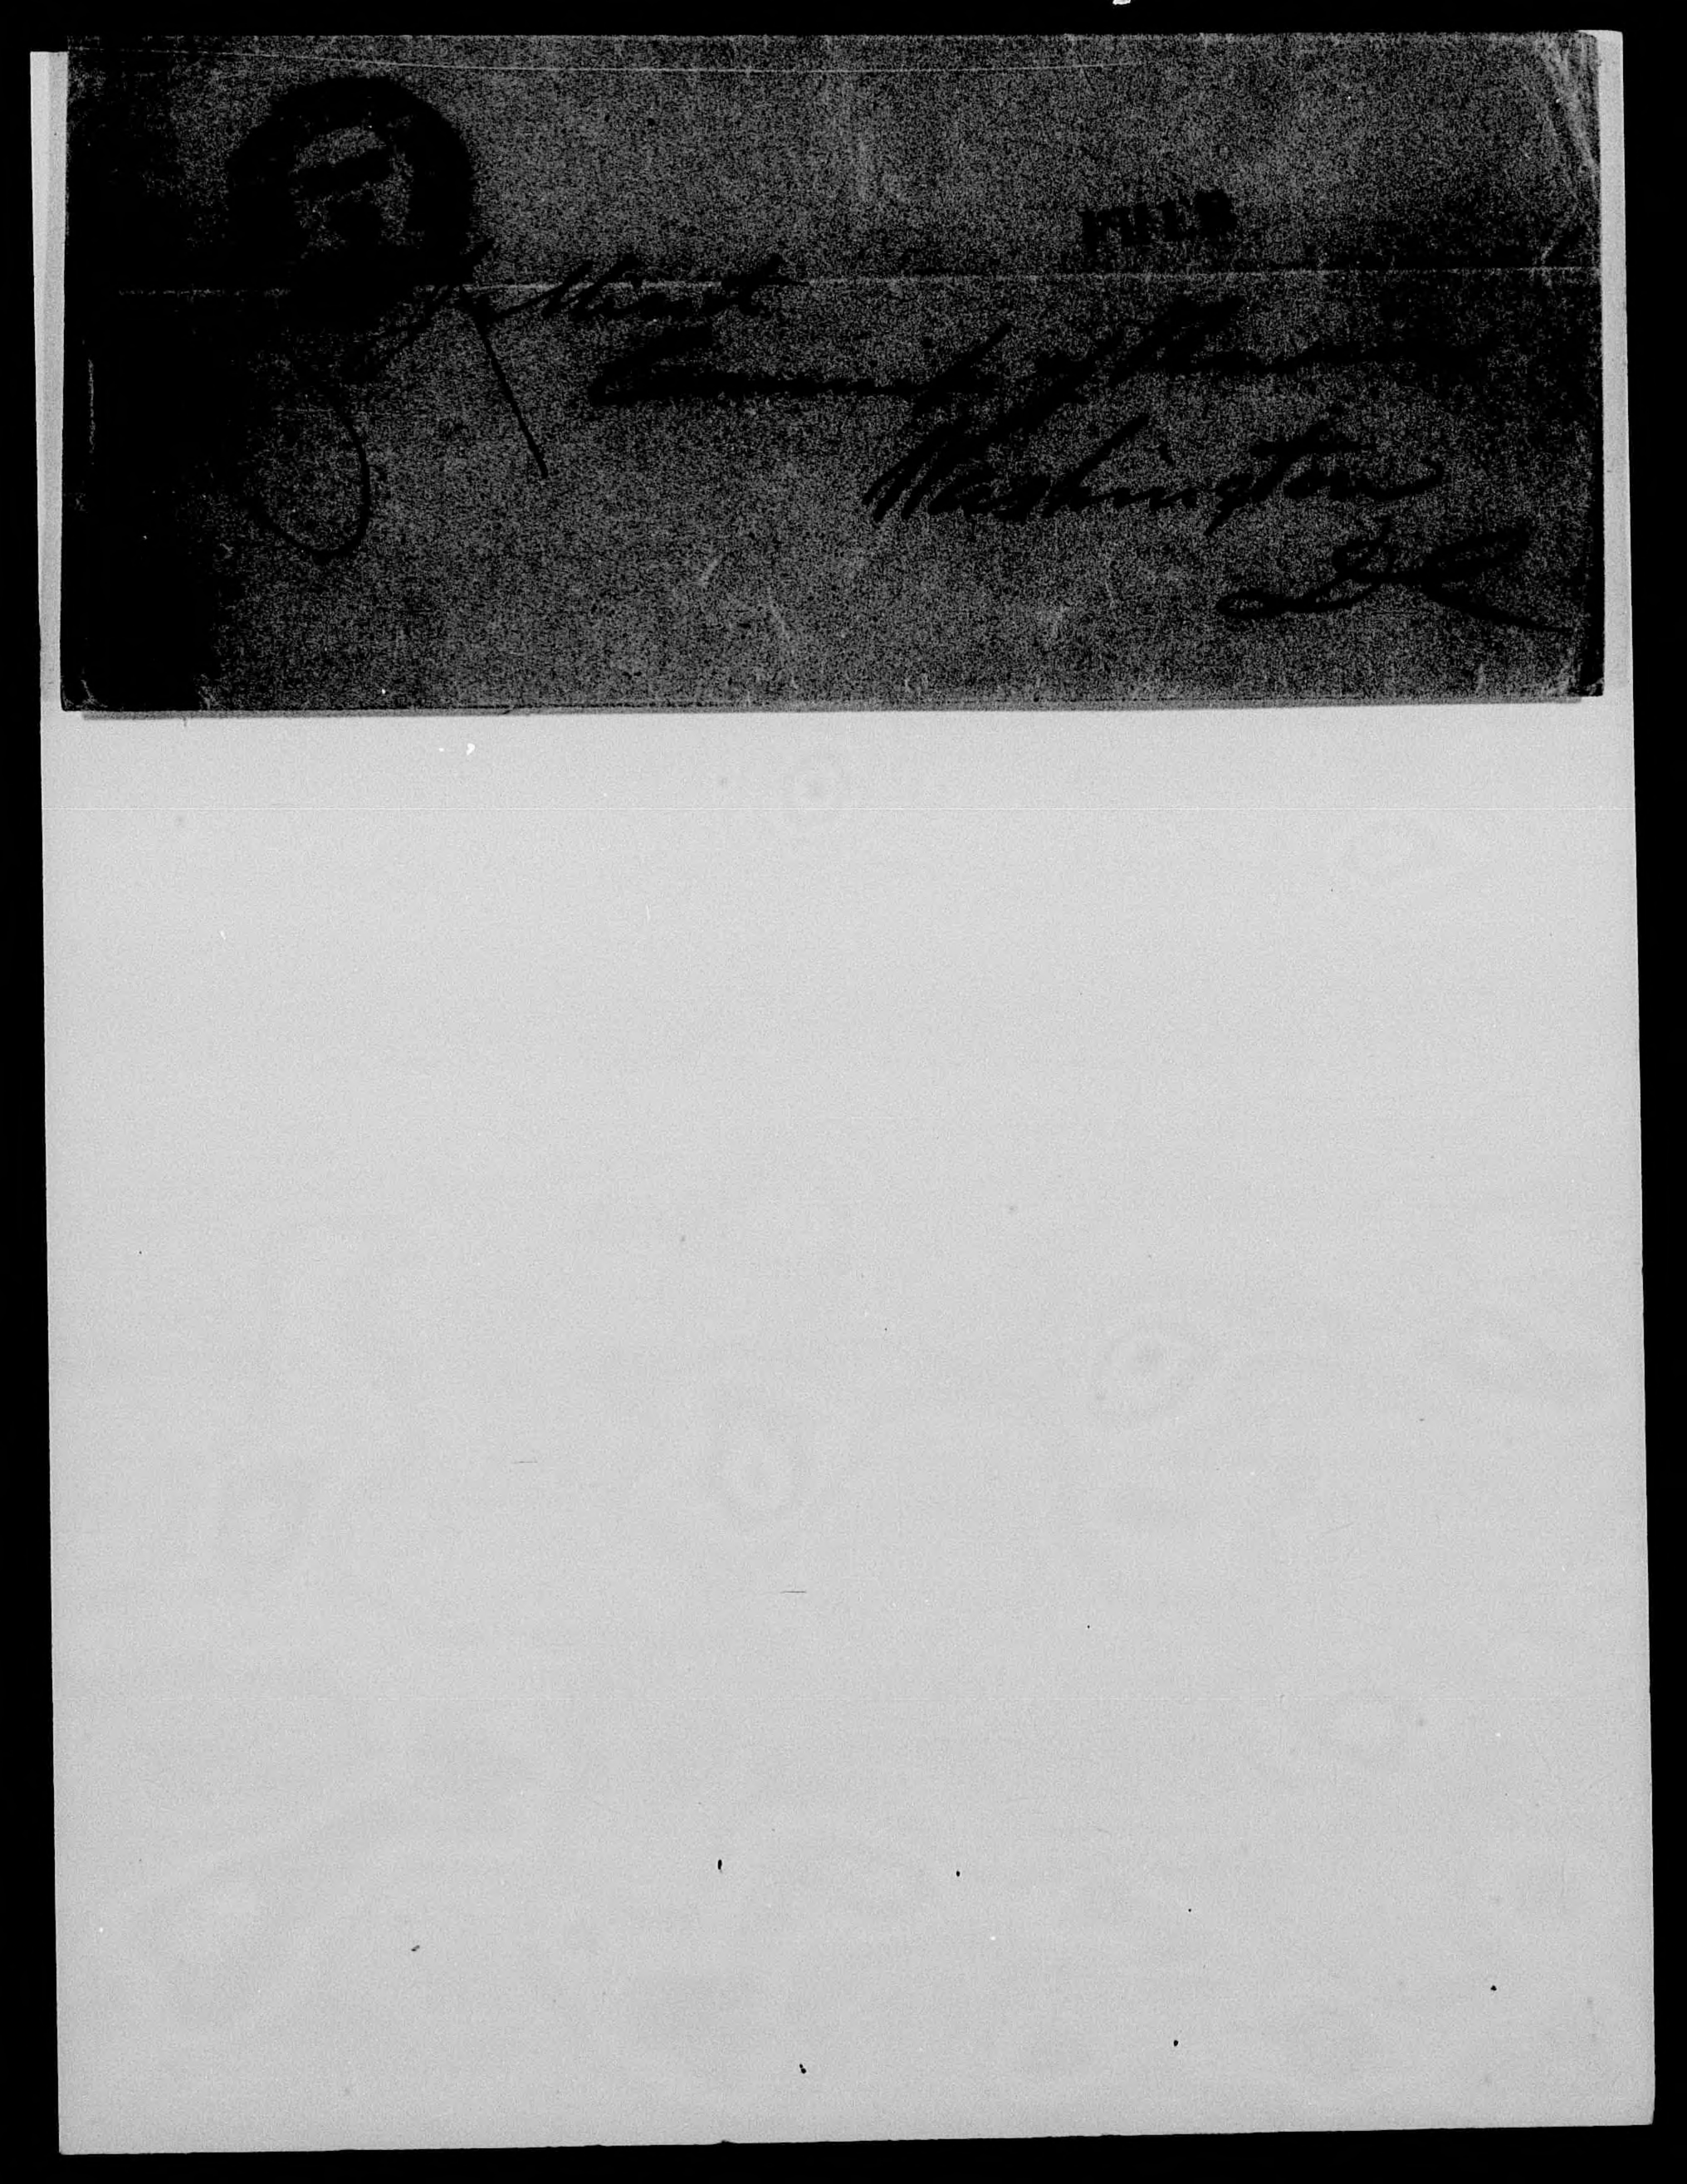FREE

J. Minot
Commissr of Pensions
Washington DC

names: J Minot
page: 70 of 76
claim: widow's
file: W. 15,517, William Gadcomb, R.I.